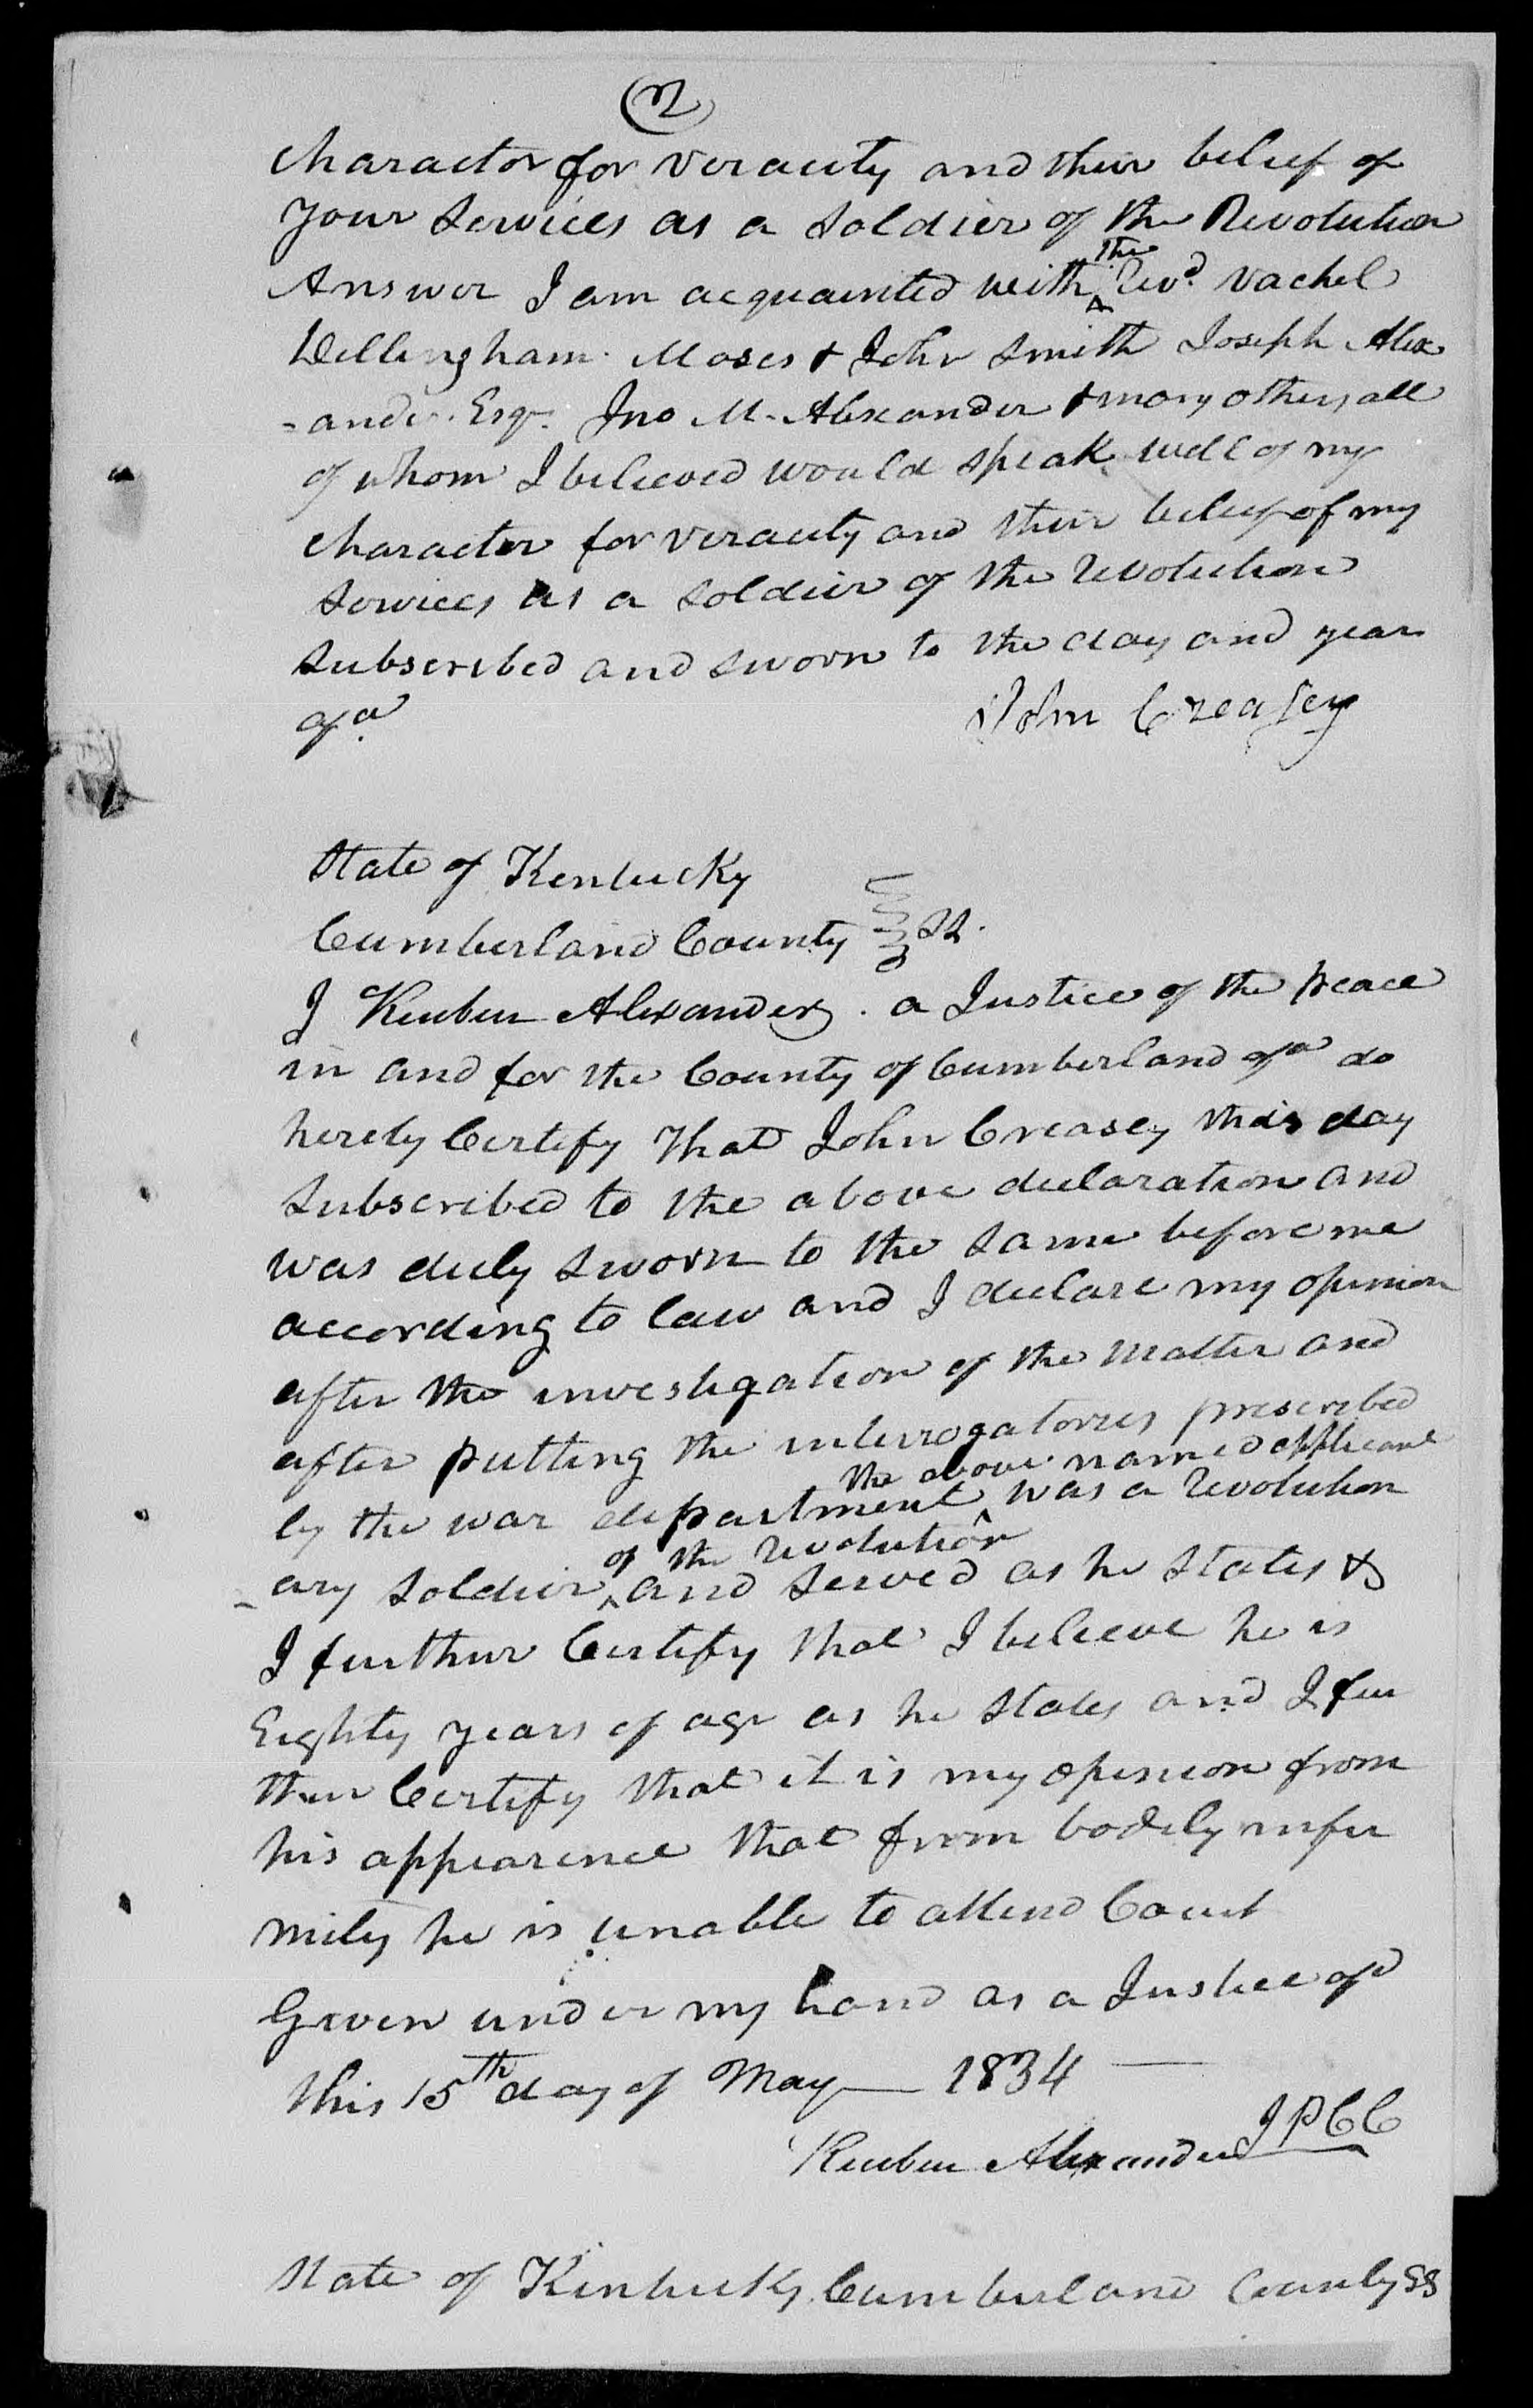2
Character for veracity and their belief of 
your services as a soldier of the Revolution
Answer I am acquainted with the Revd. Vachel Dillingham Moses & John Smith Joseph Alex
=ander Esq. Jno M. Alexander & many others all 
of whom I believed would speak well of my character for veracity and their belief of my services as a soldier of the Revolution 
Subscribed and sworn to the day and year 
afd. [aforesaid]
John Creasey

State of Kentucky     )
Cumberland County ) ss.
I Reuben Alexander a Justice of the peace
in and for the County of Cumberland afd [aforesaid] do 
hereby certify that John Creasey this day subscribed to the above declaration and 
was duly sworn to the same before me according to law and I declare my opinion 
after the investigation of the matter and 
after putting the interrogators prescribed 
by the war department the above named applicant was a revolution
ary soldier of the Revolution and served as he states &
I further Certify that I believe he is 
Eighty years of age as he states and I fur
ther certify that it is my opinion from 
his appearance that from bodily infir
mity he is unable to attend Court 
Given under my hand as a Justice afd [aforesaid] 
this 15th day of May 1834
Reuben Alexander JPCC

State of Kentucky Cumberland County ss.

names: Moses Smith, Reuben Alexander, Jno M Alexander, John Creasey, John Creasey, Reuben Alexander, John Smith, Joseph Alexander, Vachel Dillingham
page: 8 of 16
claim: survivor's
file: S. 37,877, John Creasey, Va.